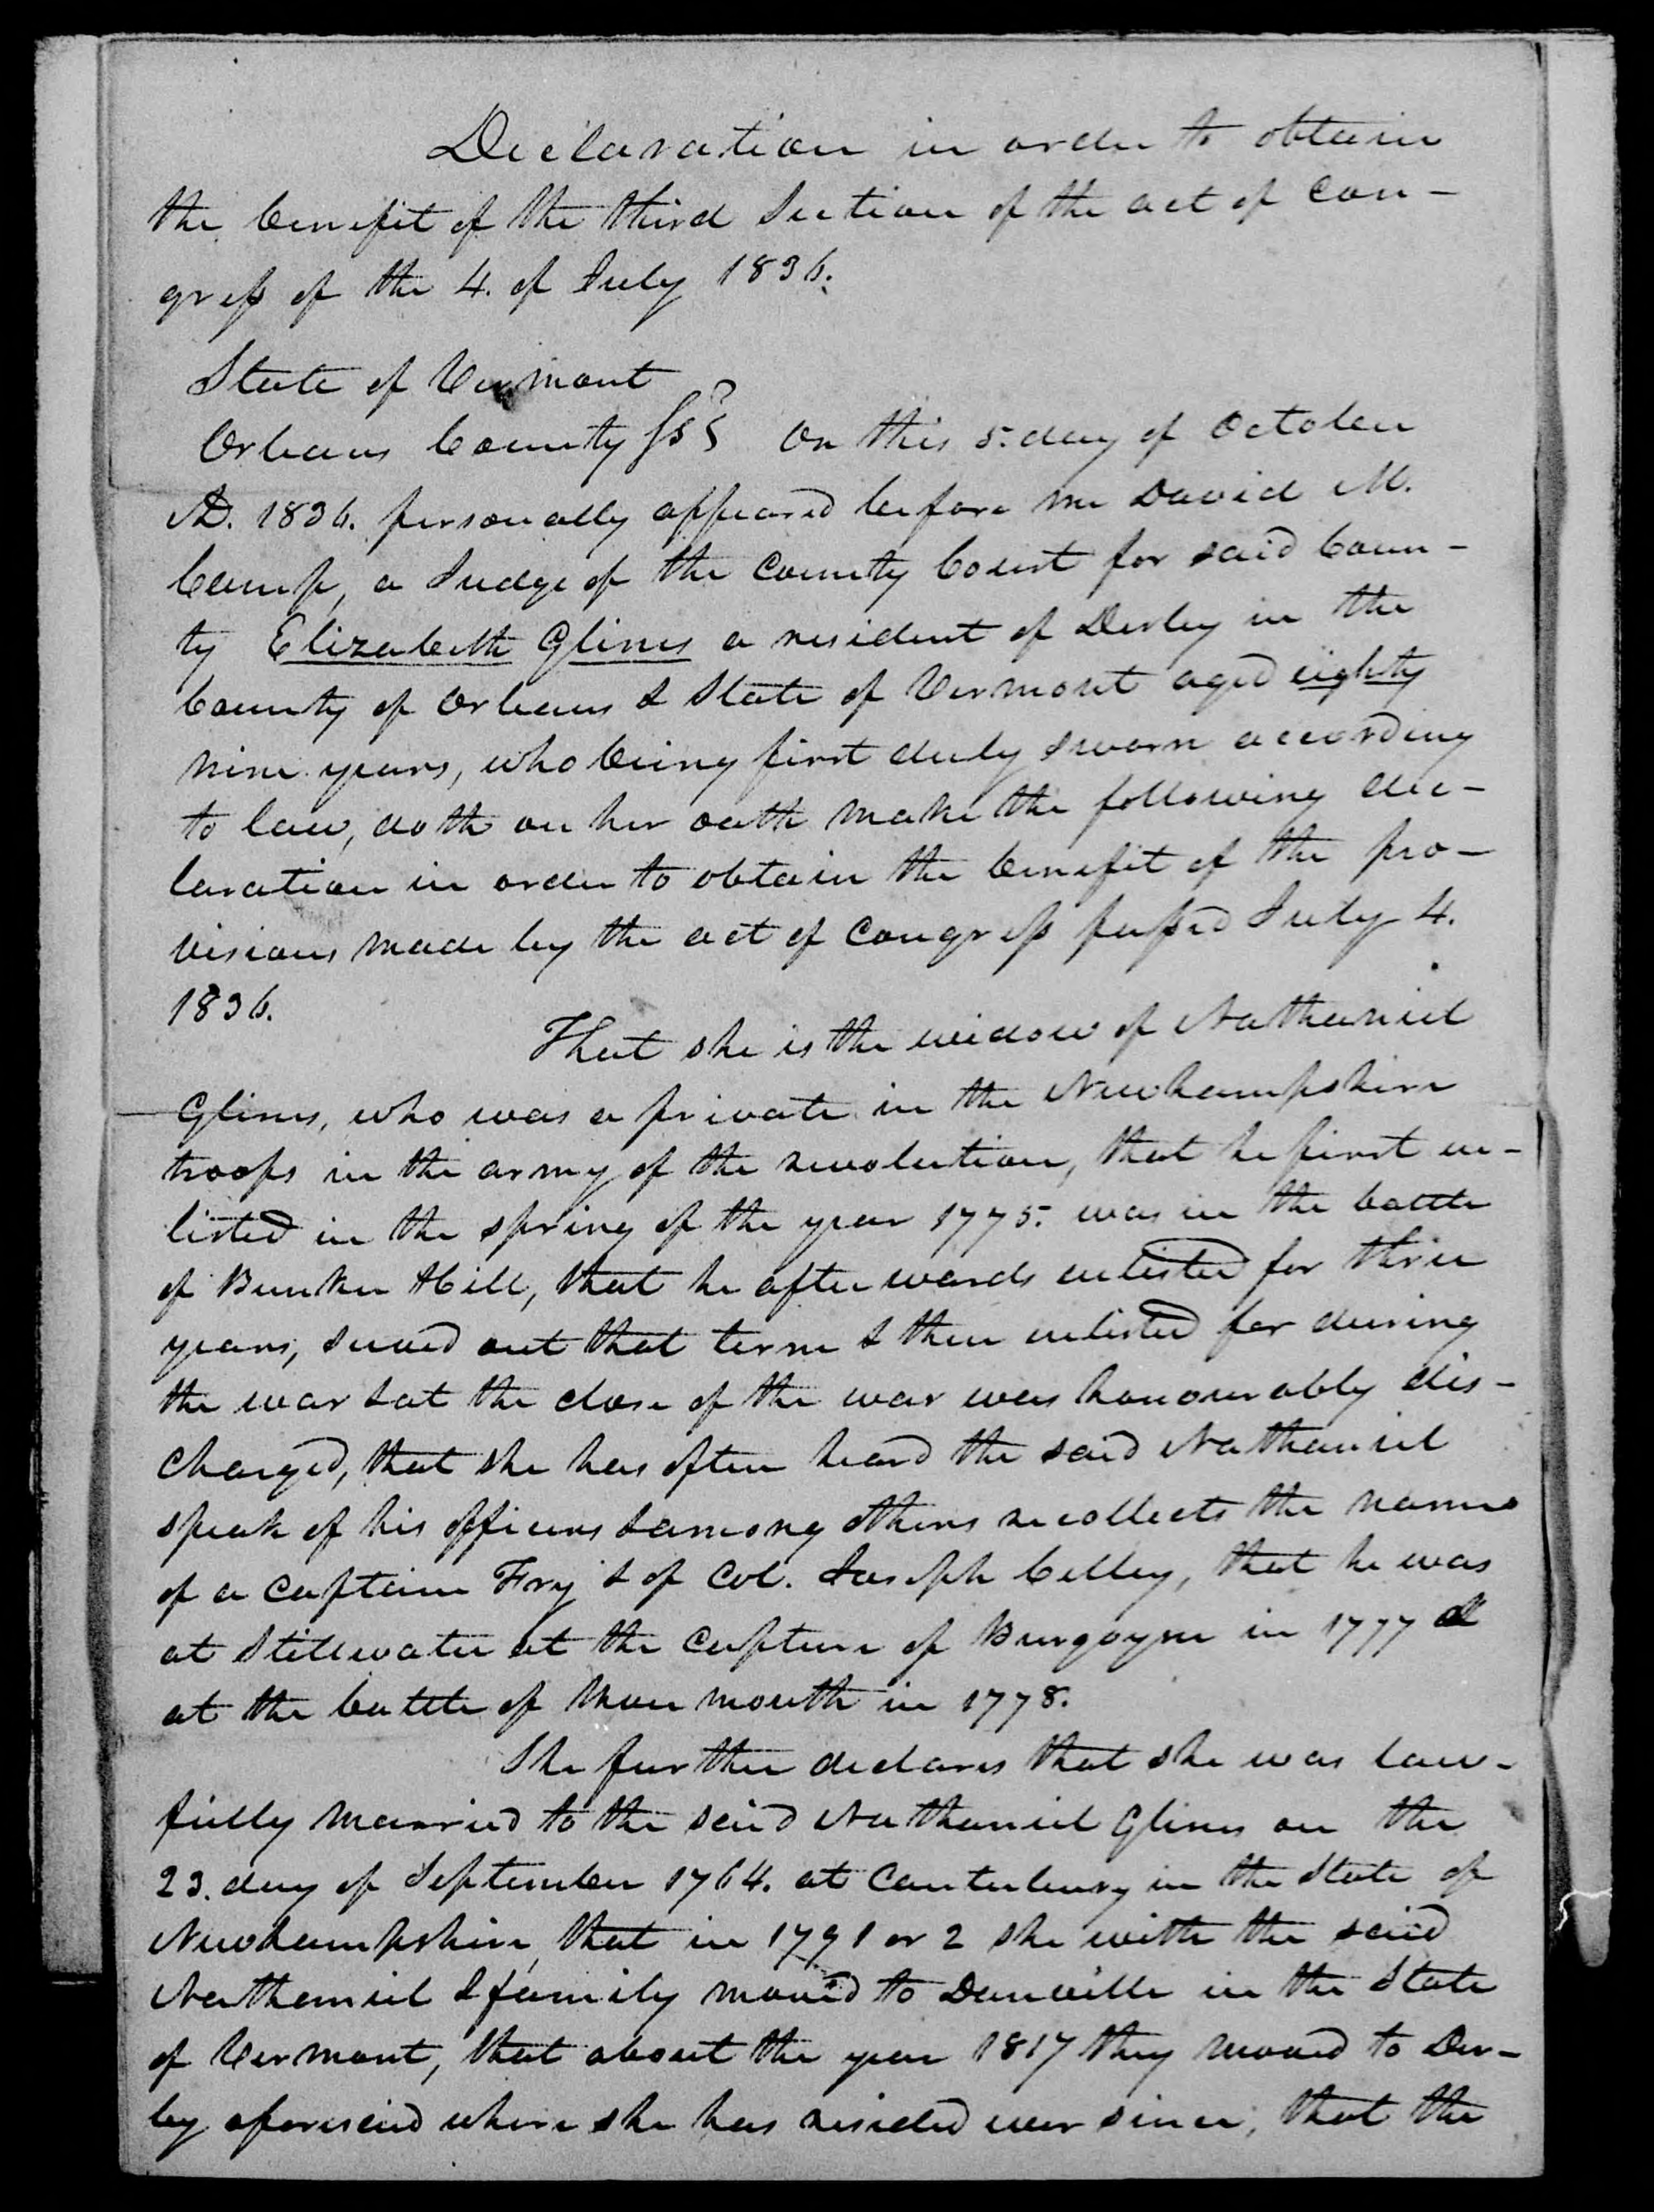Declaration in order to obtain
the benefit of the third section of the act of congress
of the 4 of July 1836.
State of Vermont
Orleans County Ss }
On this 5 day of October
AD 1836 personally appeared before me David M
Camp, a Judge of the County Court for said County
by Elizabeth Glines a resident of Derby in the 
County of Orleans & State of Vermont aged eighty
nine years, who being first duly sworn according 
to law, doth on her oath make the following declaration
in order to obtain the benefit of the provision
made by the act of Congress passed July 4
1836.
That she is the widow of Nathaniel
Glines, who was a private in the New Hampshire
troops in the army of the Revolution, that he first 
enlisted in the spring of the year 1775 was in the battle 
of Bunker Hill, that he afterwards enlisted for during
the war & at the close of the war was honorably 
discharged, that she has often heard the said Nathaniel
speak of his officers & among others recollects the names
of a Captain Fry & of Col. Joseph Cilley, that he was
at Stillwater at the capture of Burgoyne in 1777
at the battle of Monmouth in 1778.
She further declares that she was lawfully
married to the said Nathaniel Glines on the
23 day of September 1764 at Canterbury in the State of 
New Hampshire, that in 1791 or 2 she with the said
Nathaniel & family moved to Danville in the State
of Vermont, that about the year 1817 they moved to
Derby aforesaid where she has resided ever since, that the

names: Fry, Nathaniel, Joseph Cilley, Nathaniel Speak, Nathaniel Glines, David M Camp, Elizabeth Glines, Nathaniel Glines, Burgoyne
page: 13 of 29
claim: widow's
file: W. 24,282, Nathaniel Glines, N.H.